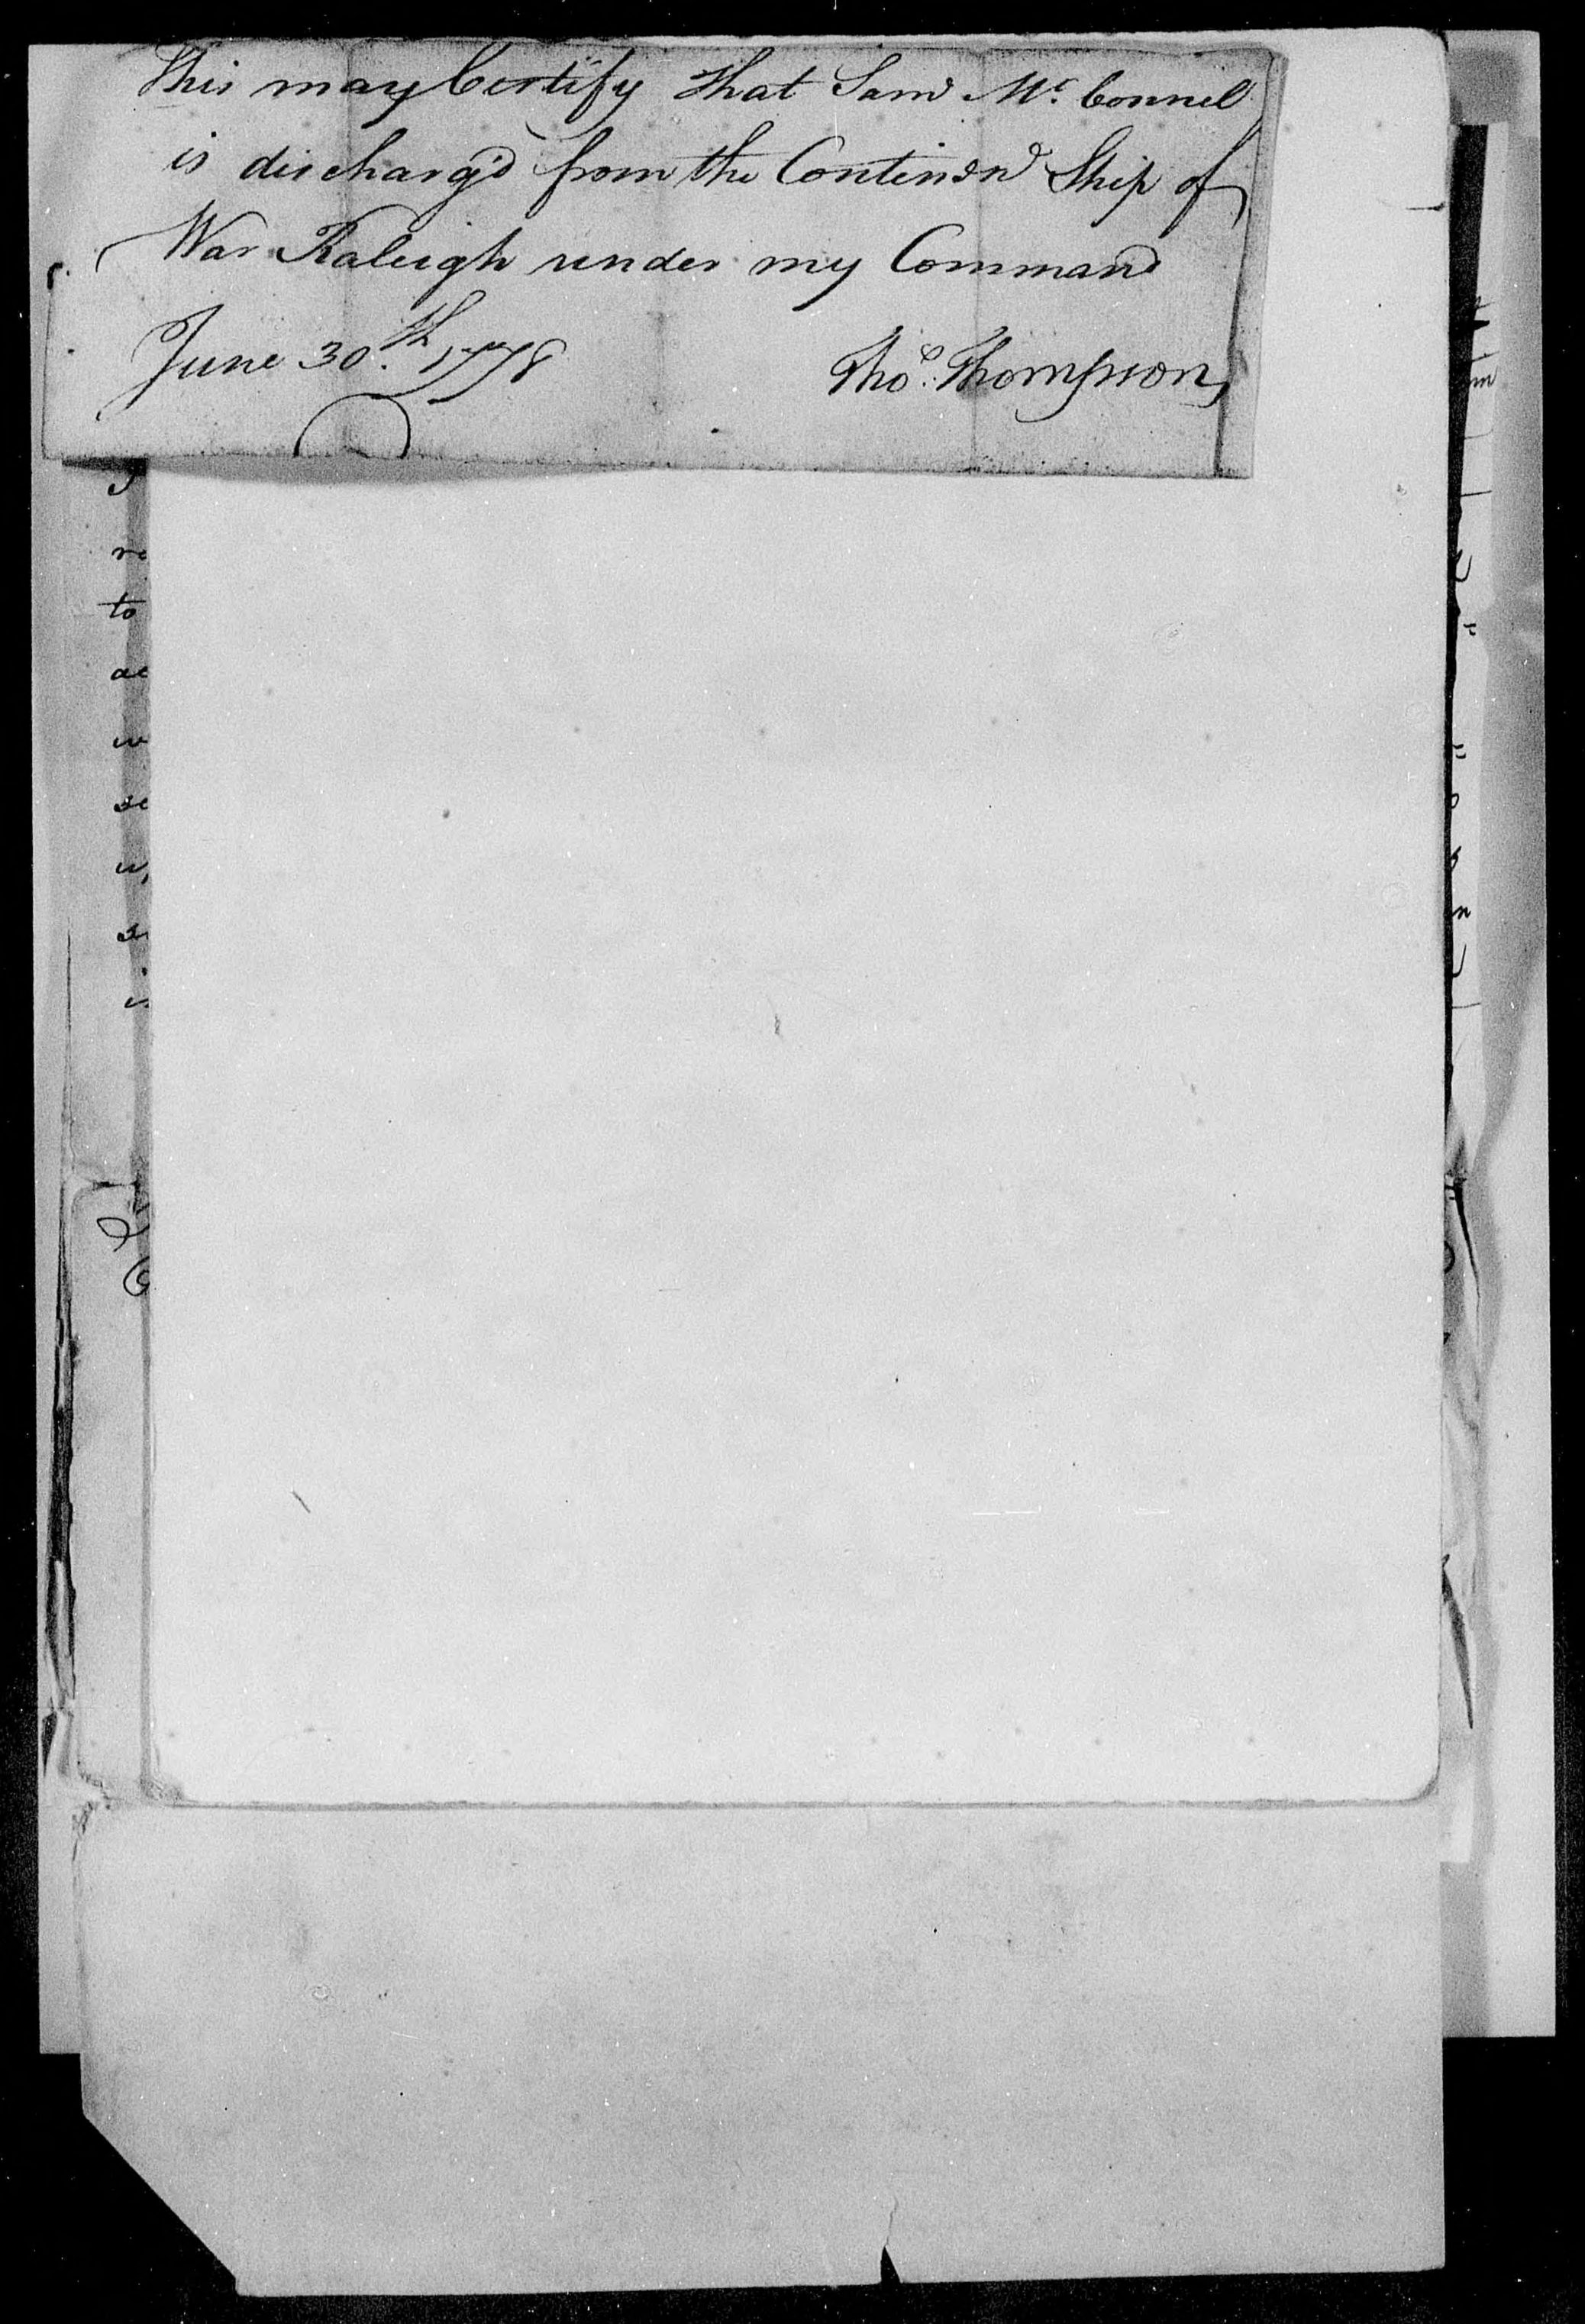This may Certify that Sam McConnel is discharg'd from the Continent'l Ship of War Raleigh under my Command
June 30th 1778 /s/Tho's Thompson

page: 13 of 18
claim: survivor's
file: S. 41,827, for Samuel Mc Connel, Vermont